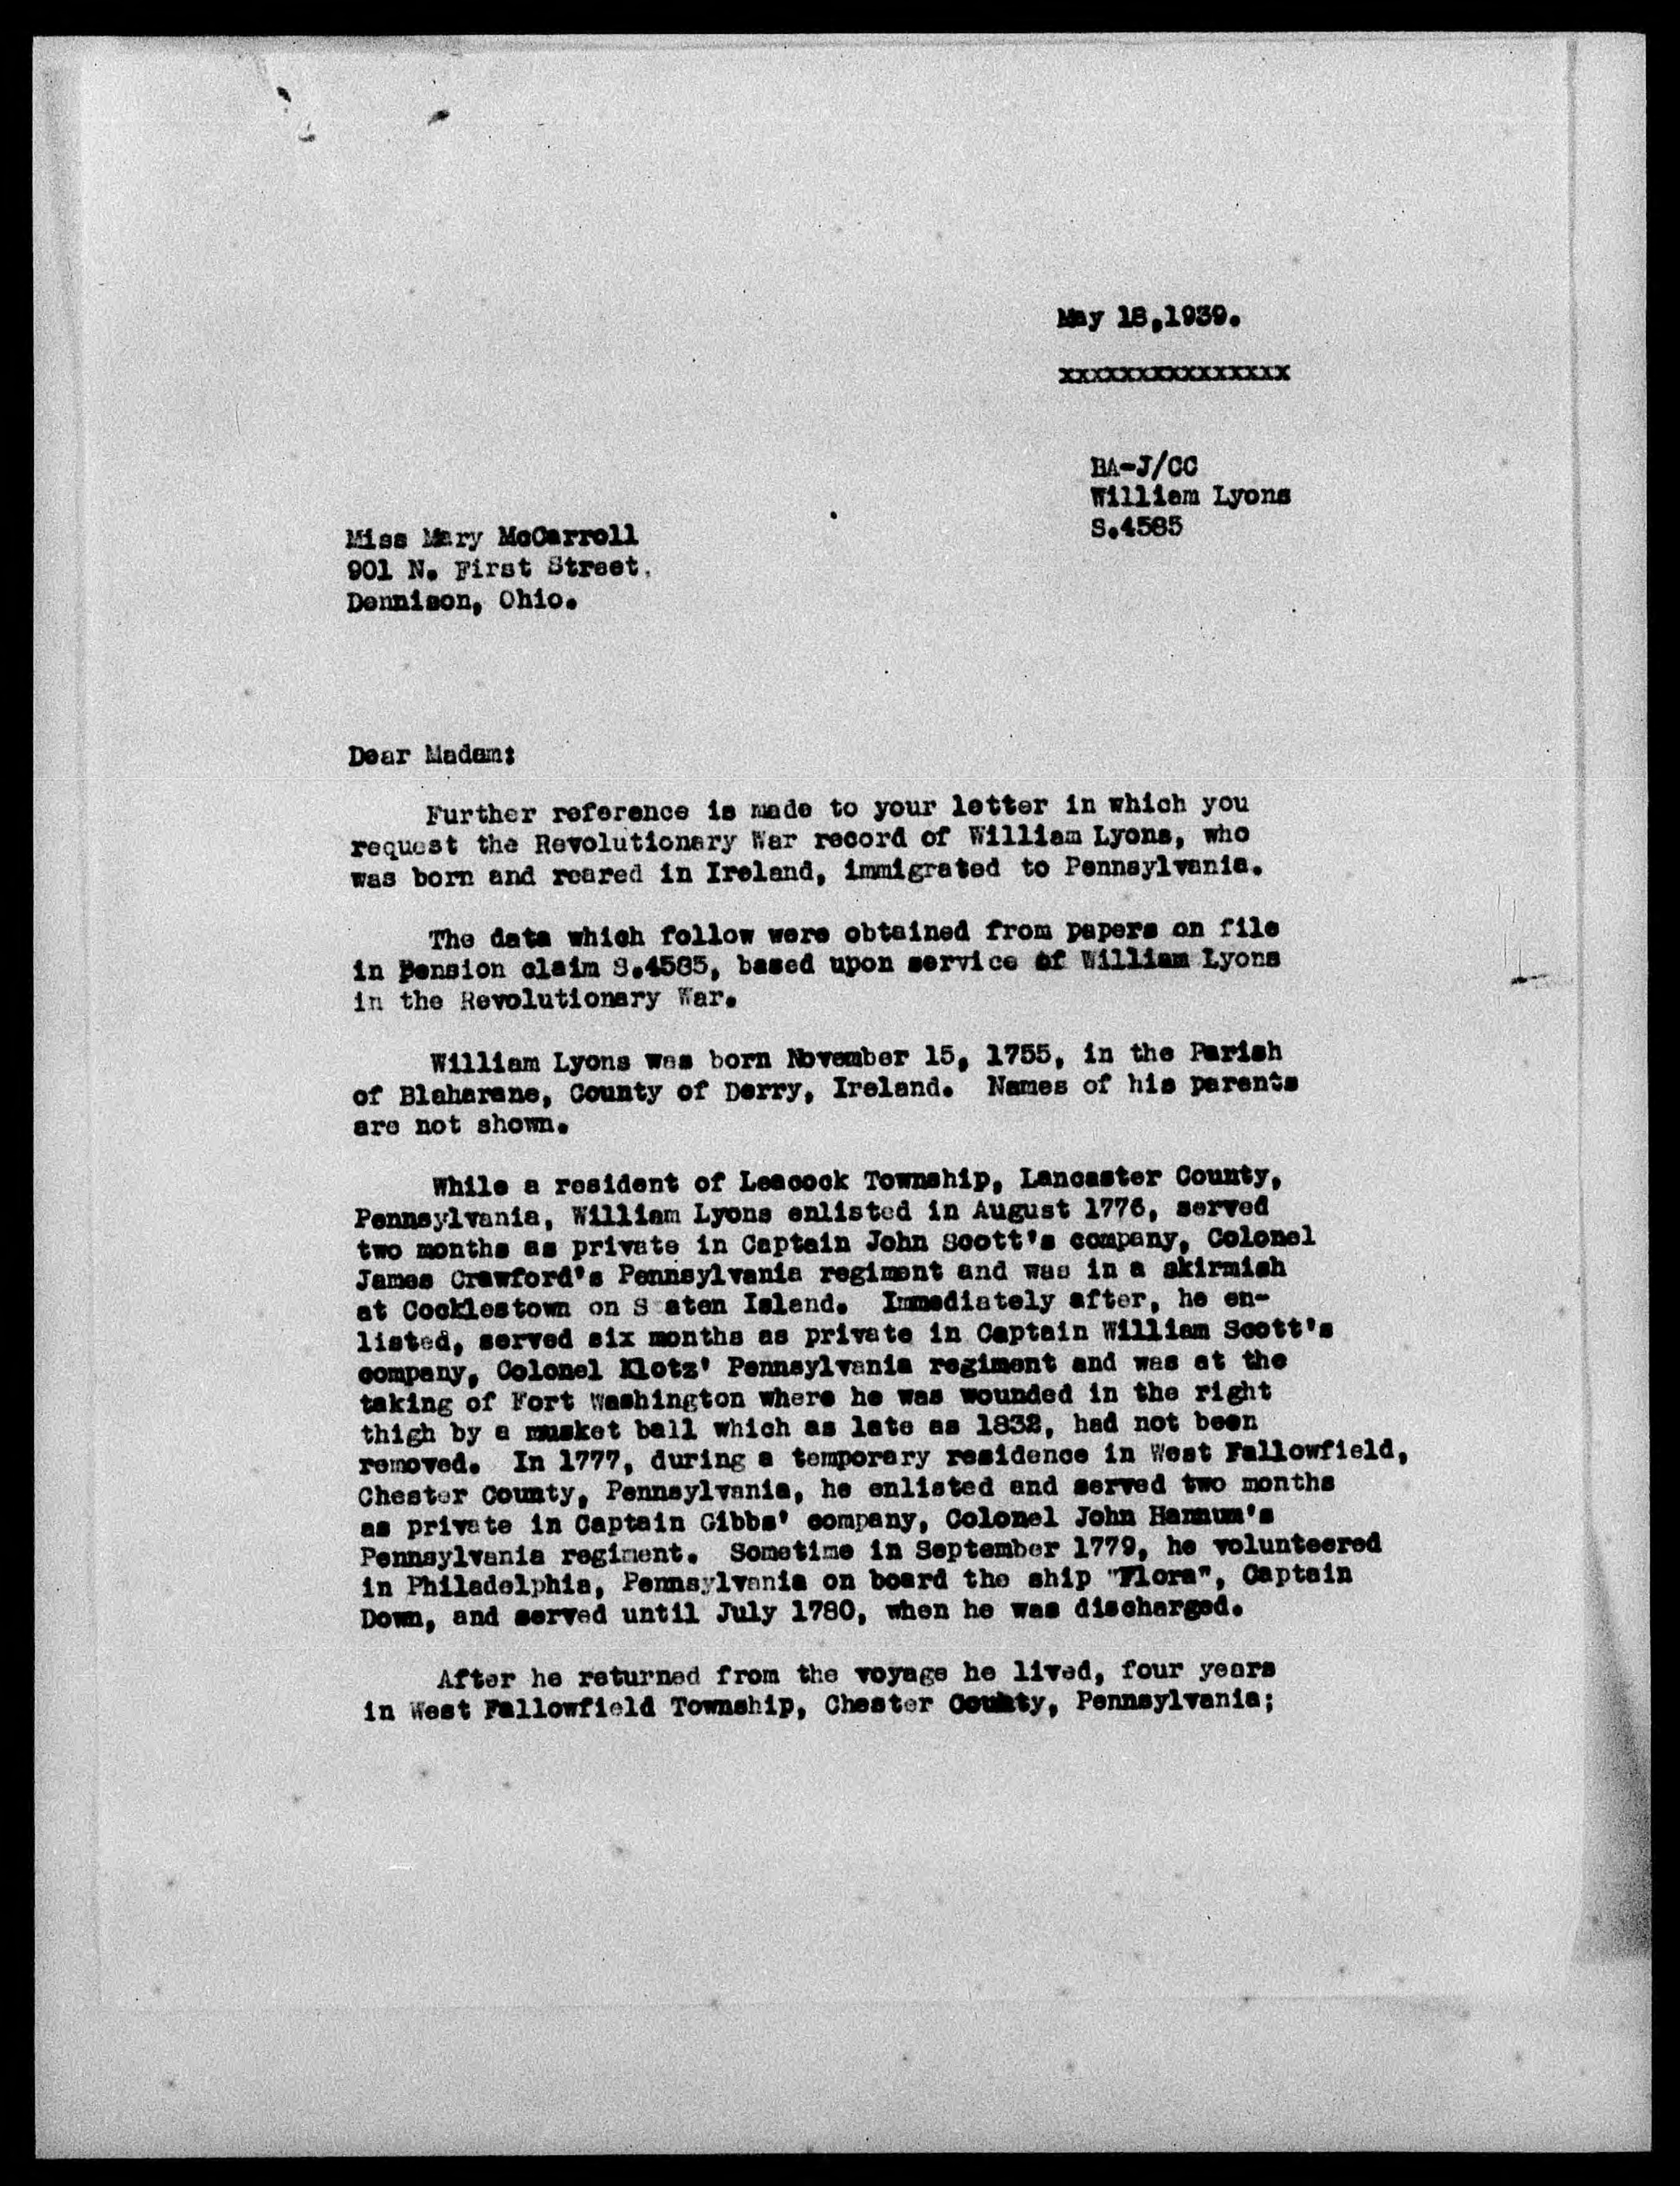May 18, 1939
BA-J/CC
William Lyons
S.4585
Miss Mary McCarrel
901 N. First Street
Dennison, Ohio

Dear Madam:
Further reference is made to your letter in which you request the revolutionary War record of William Lyons, who was born and reared in Ireland, immigrated to Pennsylvania. 
The data which follow were obtained from papers on file in Pension claim S.4585, based upon service of William Lyons in the Revolutionary War.
William Lyons was born November 15, 1755, in the Parish of Blaharane County of Derry, Ireland. Names of his parents are not shown.
While a resident of Leacock Township, Lancaster county, Pennsylvania, William Lyons enlisted in August 1776, served two months as private in Captain John Scott's company, Colonel James Crawford's Pennsylvania Regiment and was in a skirmish at Cocklestown on Staten Island. Immediately after, he enlisted, served six months as private in Captain William Scott's company, Colonel Klotz' Pennsylvania Regiment and was a at the taking of Fort Washington where he was wounded in the right thigh by a Musket ball which as late as 1832, had not been removed. in 1777, during a temporary residence in West Fallowfield, Chester County, Pennsylvania, he enlisted and served two months as a private in Captain Gibbs' company, Colonel John Hanum's Pennsylvania Regiment. Sometime in September 1779, he volunteered in Philadelphia, Pennsylvania on board the ship "flora", Captain Down, and served until July 1780 when he was discharged.  After he returned from the voyage he lived, four years in West Fallowfield Township, Chester County, Pennsylvania.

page: 14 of 41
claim: survivor's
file: S. 4585, for William Lyons, Pennsylvania